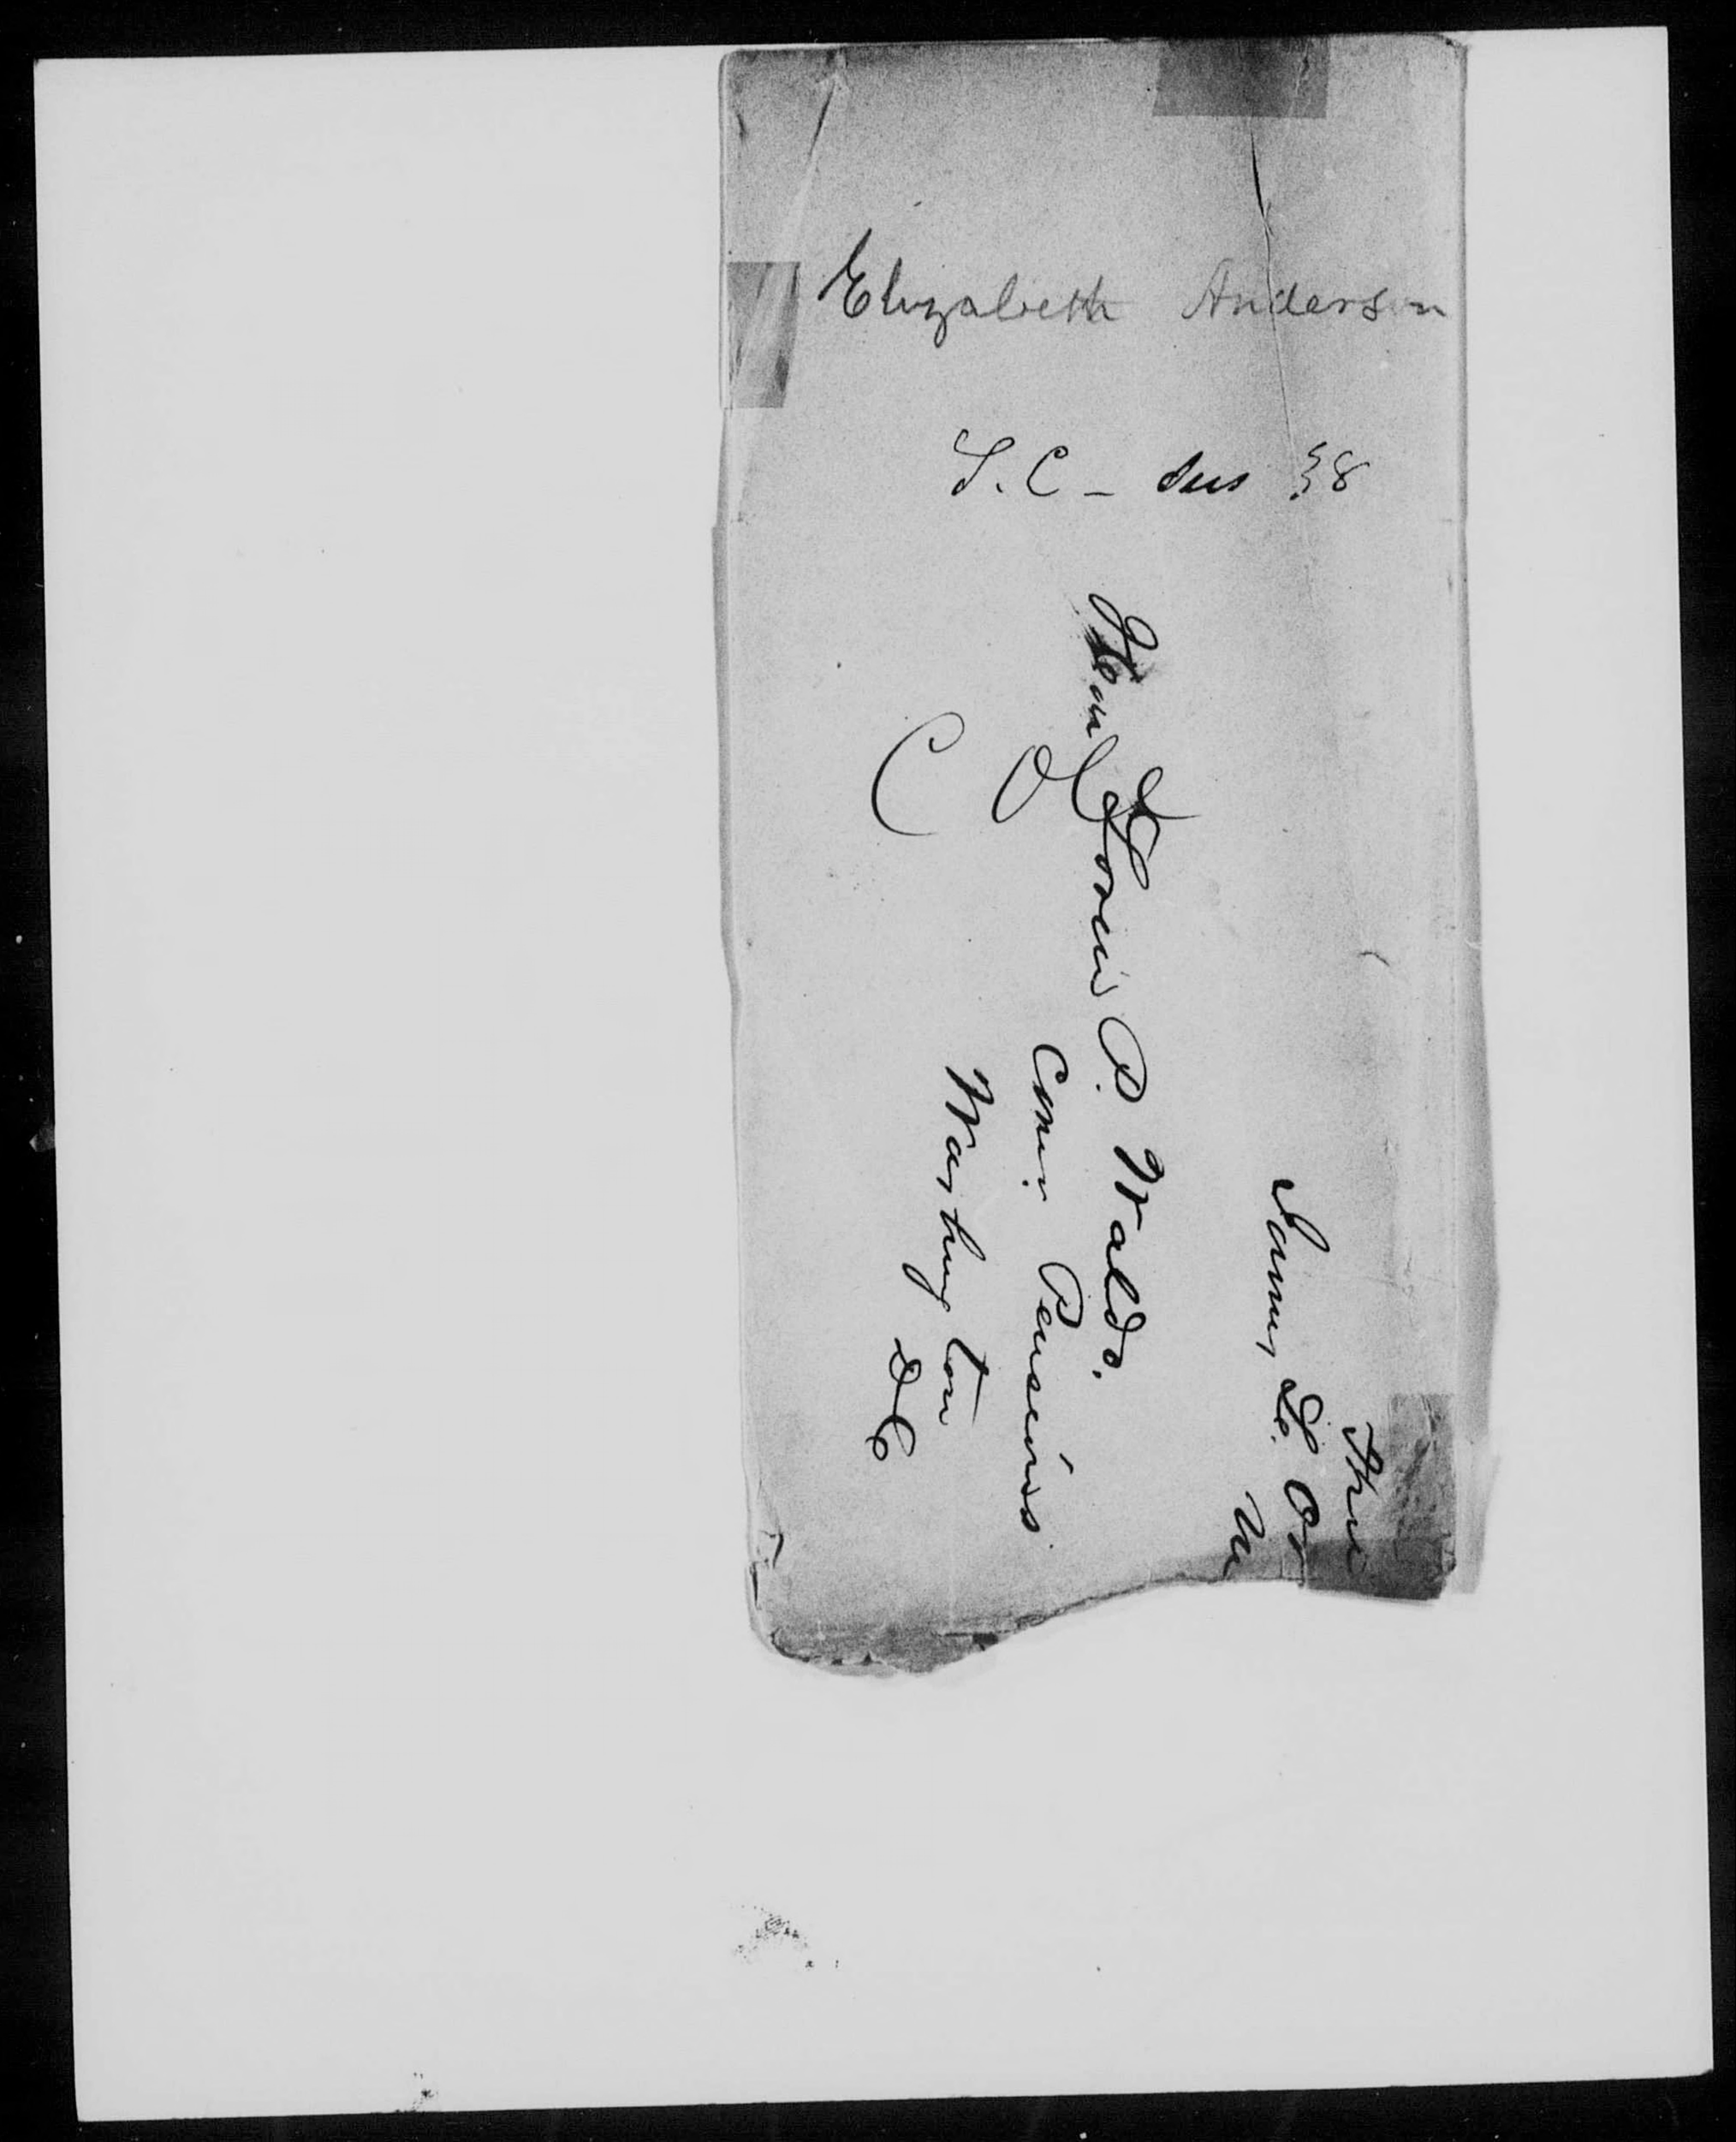[vertical]
Elizabeth Anderson
S.C. - decd 38

Cole

[Horizonal]

Hon Loren P. Waldo
Comis. Pensions
Washington 
DC

[side of envelope torn off]
[illegible]
January  L. Or [illegible]
[illegible]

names: James L Orr, Loren P Waldo, Elizabeth Anderson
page: 26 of 51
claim: widow's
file: W. 9700, Denney Anderson, S.C.